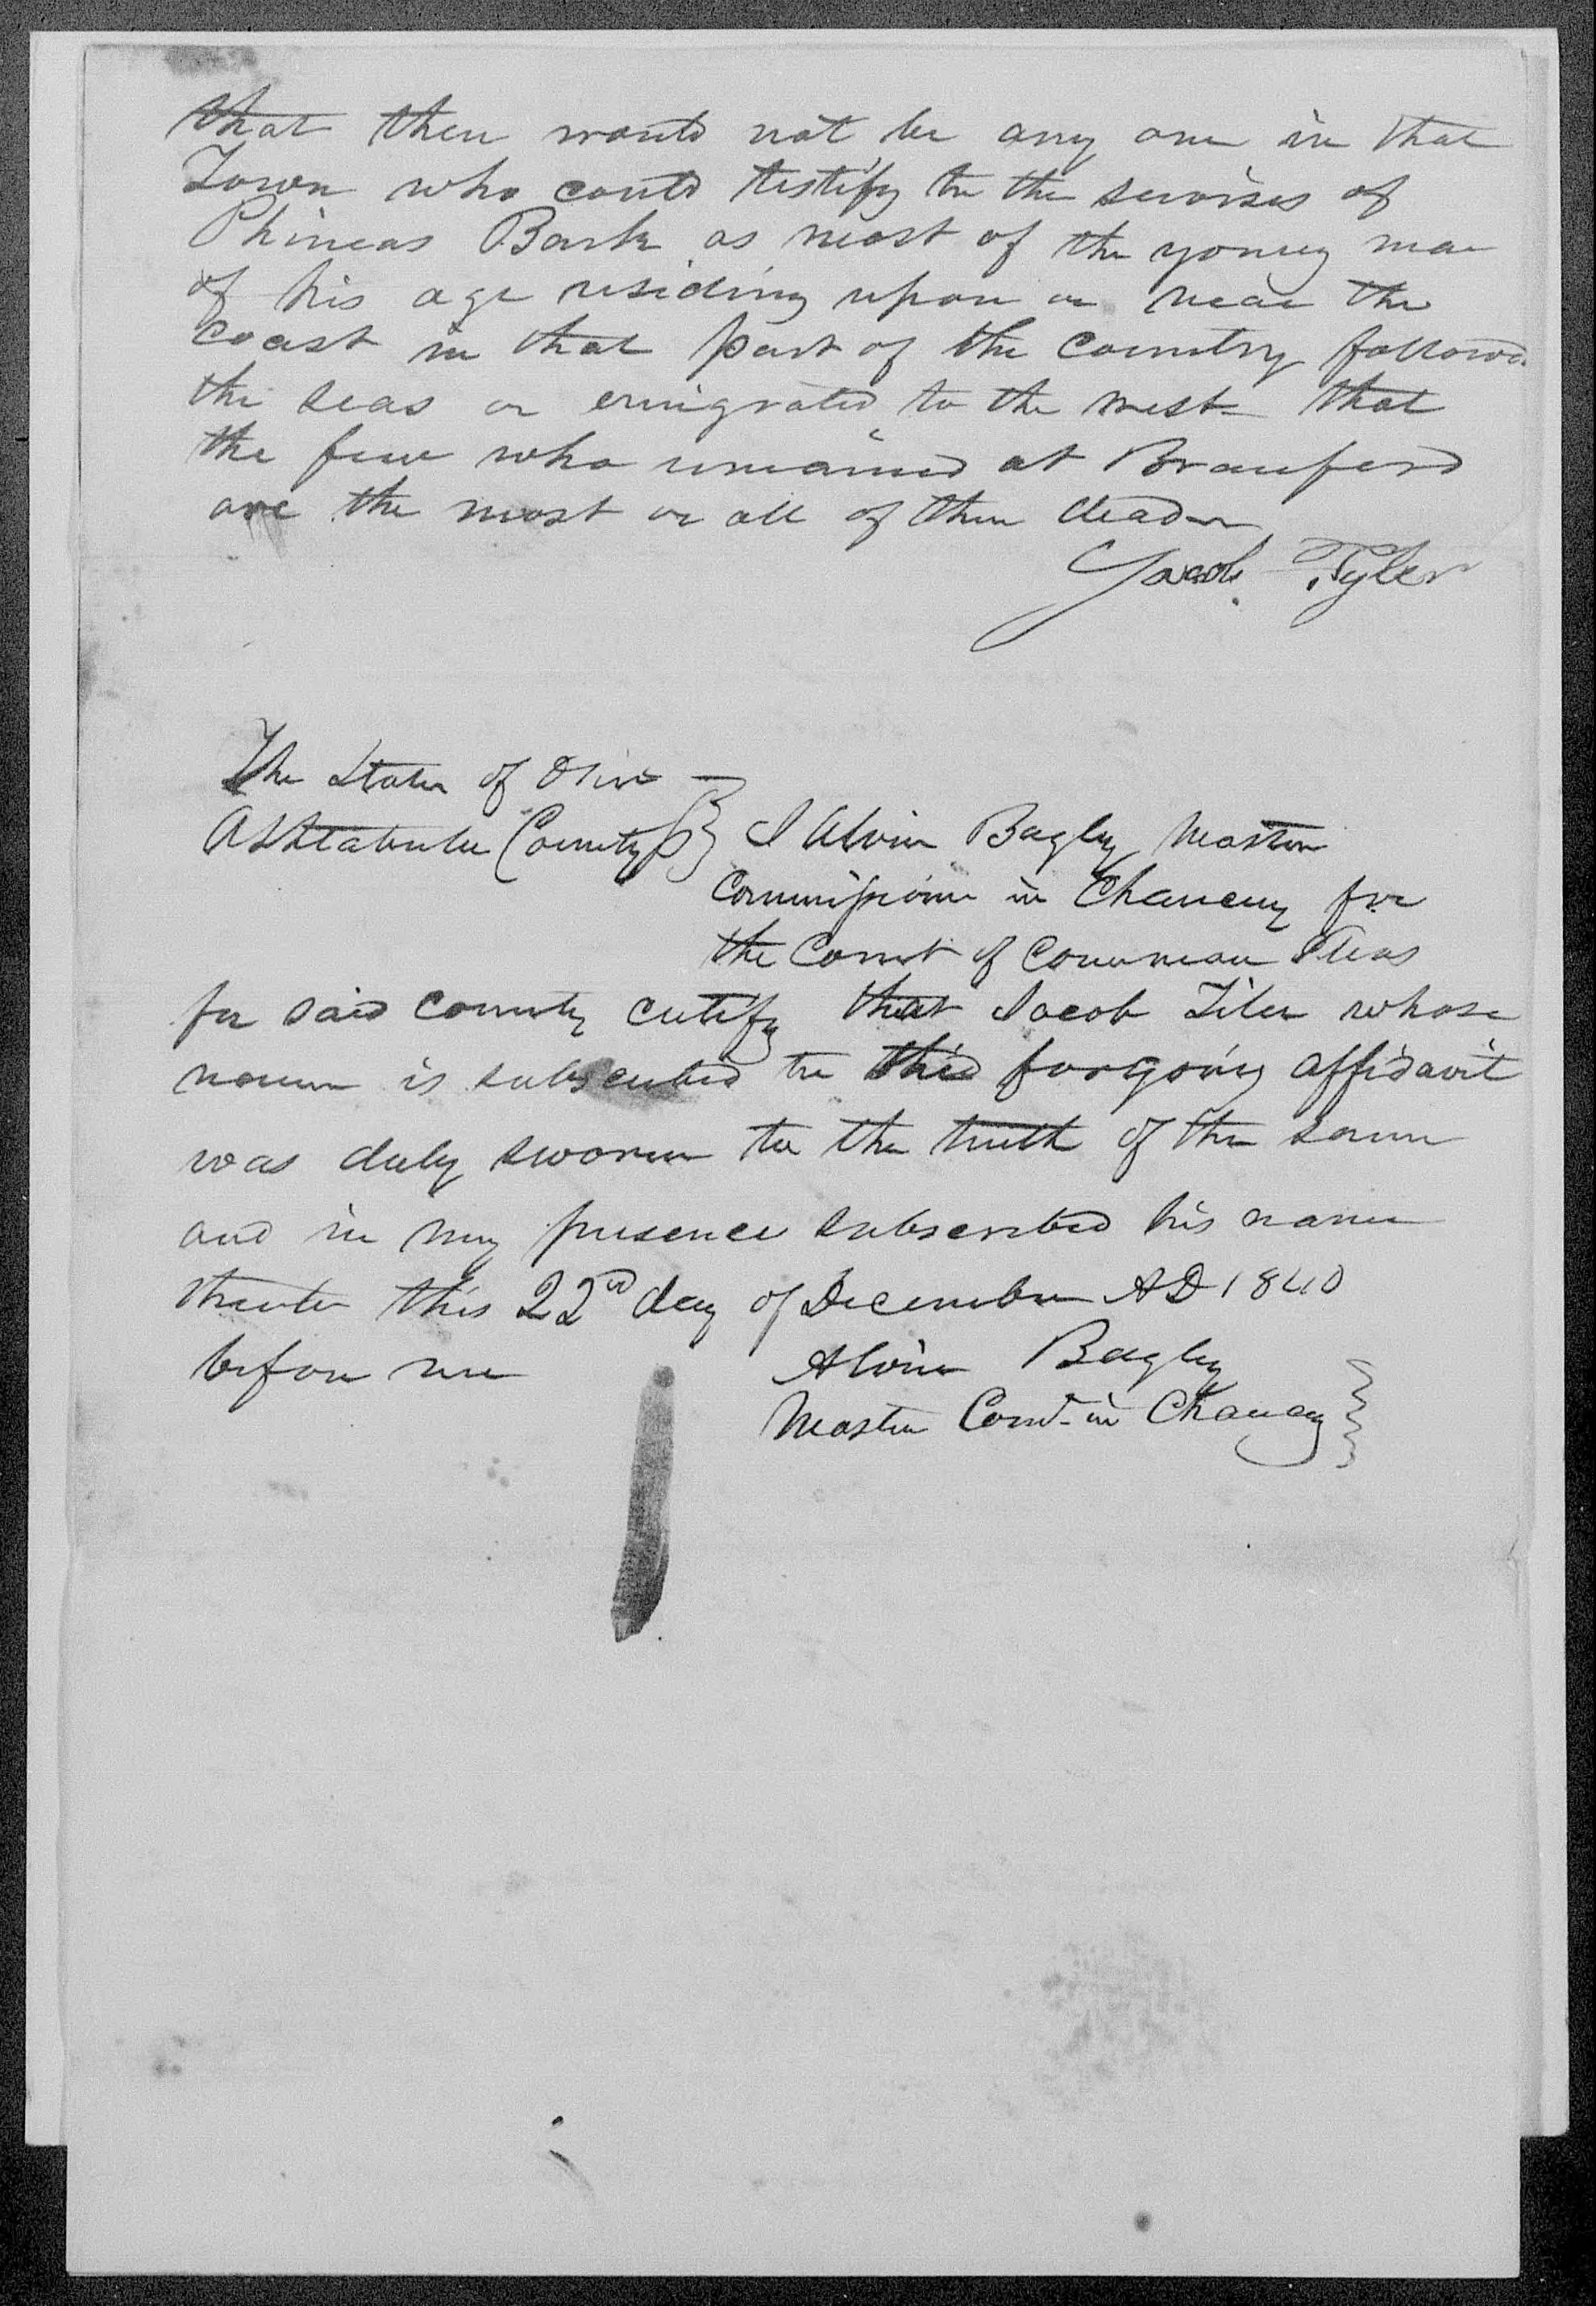that there would not be any one in that Town who could testify to the services of Phineas Barker as most of the young man of his age residing upon or near the coast in that part of the country followed the seas or emigrated to the west, that the five who remained at Branford are the most or all of them dead 
Jacob Tyler 
The State of Ohio 
Ashtabula County }  I Alvin Bagley, Master Commissioner in Chancery for the Court of Common Pleas for said County certify that Jacob Tiler whose name is subscribed to the forgoing affidavit was duly sworn to the truth of the same and in my presence subscribed his name thereto this 22d day of December AD 1840 before me 
Alvin Bagley Master Commr in Chancery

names: Jacob Tyler, Jacob Tiler, Phineas Bark, Alvin Bagley, Alvin Bagley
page: 18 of 35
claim: rejected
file: R. 501, Phineas Barker, Conn. Privateer